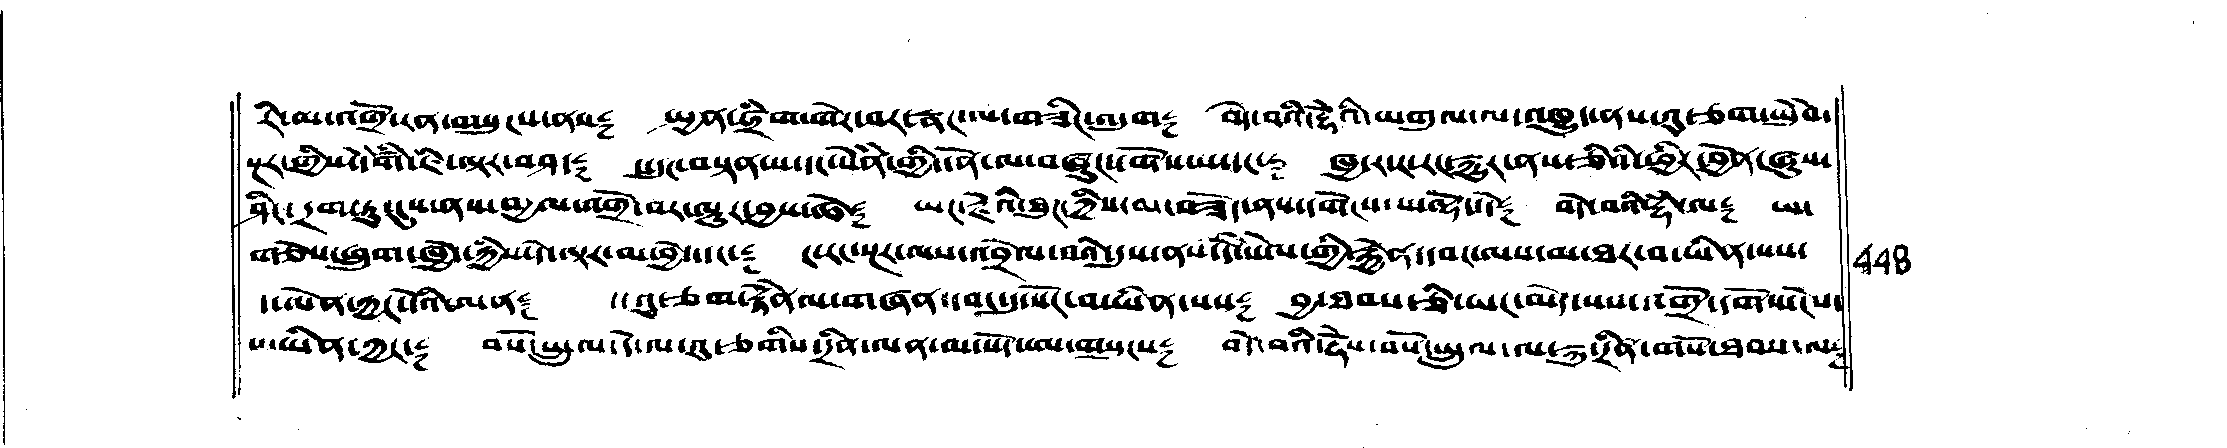ལ་འགྲོ་རན་གསུངས་ནས། སྤྱན་ཧྲིག་གེར་བར་སྣང་ལ་གཟིགས་འདུགབདེ་བའི་རྡོ་རྗེའི་མགུལ་ལ་འཁྱུད་ནས་འུ་ཅག་ཡབ་ཡུམ་
སྔར་གྱིས་དམ་ཚིག་ཇི་ལྟར་བཤད། ད་དུང་བསྟན་པ་དང་སེམས་ཅན་གྱི་དོན་ལ་བཞུགས་དགོས་པ་དང་། ཁྱད་པར་ང་རང་སྐྱུར་ནས་ཅིའི་ཕྱིར་བྱོན་ཞུས་
ཤིང་དྲག་ཏུ་ངུས་ནས་བརྒྱལ་འགྲོ་བར་ལྟ་བུར་བྱས་ཚེ། ཡང་རྗེའི་ཐུགས་ཀྱིས་མ་བཟོད་ནས་དགོངས་པ་ལྷོད་དོ། བདེ་བའི་རྡོ་རྗེ་ལ། ཡ་
གཅེས་ཕྲུག་ཁྱེད་ཀྱིས་དེ་ལྟར་མ་བྱེད་དང་། ང་རང་སྔར་ལས་འབྲེལ་བའི་དུས་ནས་དམ་སེལ་གྱི་རྐྱེན་དབང་ལས་མ་ཐར་བ་ཡིན་པས་
ད་ལེན་ཀྱང་དེའི་ལན། ད་འུ་ཅག་རྟེན་འབྲེལ་གཞན་དབང་དུ་སོང་བ་ཡིན་པས། བྱ་ཐབས་ཅི་ཡང་མེད་པས་འགྲོ་དགོས་ངེས་
པ་ཡིན་ཀྱང་། བསོ་སྤྲུལ་དེ་ལ་འུ་ཅག་གིས་དྲིན་ལན་མ་སོད་ཨ་གསུངས། བདེ་བའི་རྡོ་རྗེས་བསོ་སྤྲུལ་ལ་སྐུ་དྲིན་གསོ་ཐབས་ལ་